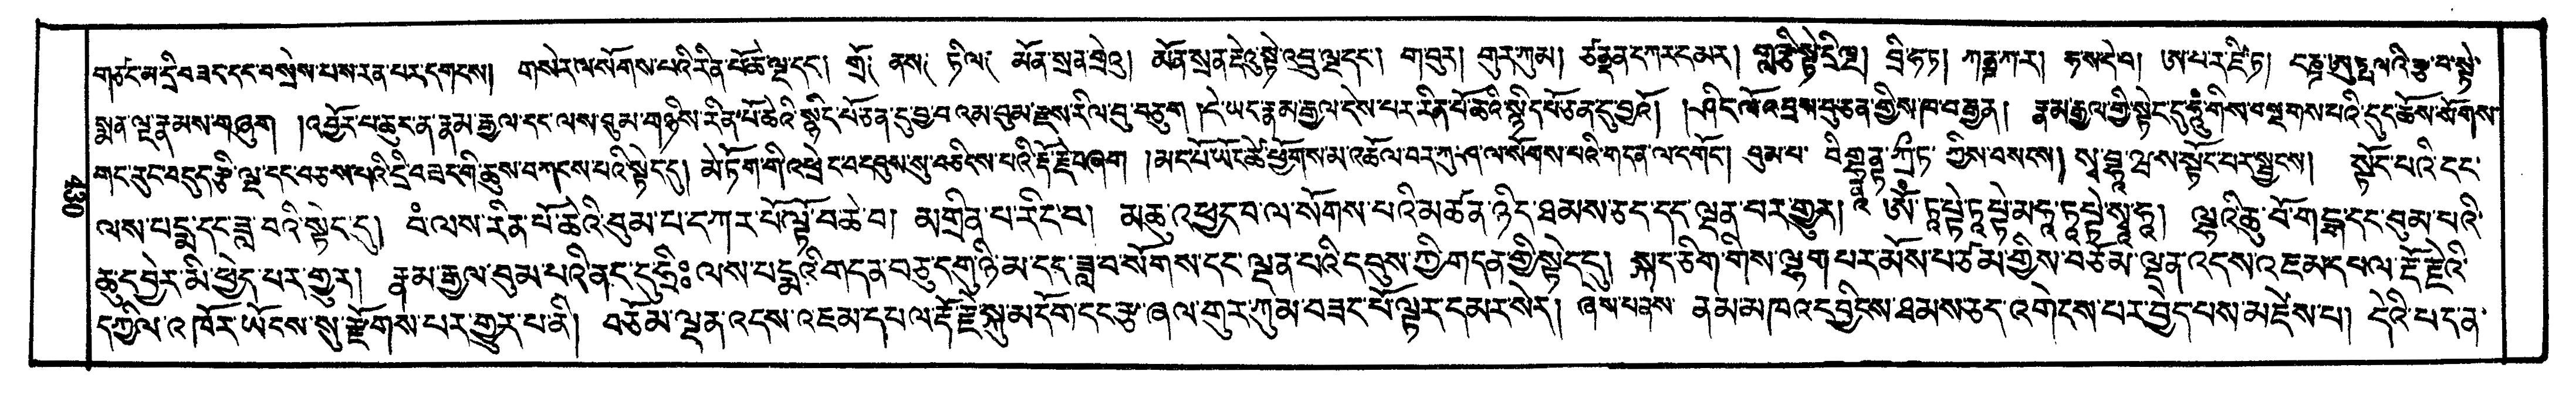གཙང་མ་དྲི་བཟང་དང་བསྲེས་པས་རན་པར་དགོངས། གསེར་ལ་སོགས་པའི་རིན་པོ་ཆེ་ལྔ་དང་། གྲོ༑ ནས༑ ཏིལ༑ མོན་སྲན་གྲེའུ། མོན་སྲན་རྡེའུ་སྟེ་འབྲུ་ལྔ་དང་། ག་པུར། གུར་ཀུམ། ཙནྡན་དཀར་དམར། གླ་རྩི་སྟེ་དྲི་ལྔ། བྲི་ཧ་ཏི། ཀཎྜ་ཀ་རི། ཧ་སི་དེ་བ། ཨ་པ་ར་ཇི་ཏེ། དཎྜ་ཨུཏྤ་ལའི་རྩ་བ་སྟེ།
སྨན་ལྔ་རྣམས་གཞུག །འབྱོར་པ་ཆུང་ན་རྣམ་རྒྱལ་དང་ལས་བུམ་གཉིས་རིན་པོ་ཆེའི་སྙིང་པོ་ཅན་དུ་བྱ་བ་འམ་བུམ་རྫས་རིལ་བུ་བཅུག །དེ་ཡང་རྣམ་རྒྱལ་ངེས་པར་རིན་པོ་ཆེའི་སྙིང་པོ་ཅན་དུ་བྱའོ། །ཤིང་ལོ་འབྲས་བུ་ཅན་གྱིས་ཁ་བརྒྱན། རྣམ་རྒྱལ་གྱི་སྟེང་དུ་ཧཱུཾ་གིས་བསྔགས་བའི་དུང་ཆོས་སོགས་
གང་རུང་བདུད་རྩི་ལྔ་དང་བཅས་པའི་དྲི་བཟང་གི་ཆུས་བཀངས་པའི་སྟེང་དུ། མེ་ཏོག་གི་འཕྲེང་བ་དབུས་སུ་བཅིངས་པའི་རྡོ་རྗེ་བཞག །མང་པོ་ཡོང་ཚེ་ཕྱོགས་མ་འཆོལ་བར་ཀུ་ཤ་ལ་སོགས་པའི་གདན་ལ་དགོད། བུམ་པ་བིགྷྣཱནྷ་ཀྲྀཏ་ཀྱིས་བསངས། སྭ་བྷཱ་ཝ་ས་སྟོང་པར་སྦྱངས། སྟོང་པའི་ངང་
ལས་པདམ་དང་ཟླ་བའི་སྟེང་དུ། བཾ་ལས་རིན་པོ་ཆེའི་བུམ་པ་དཀར་པོ་ལྟོ་བ་ཆེ་བ། མགྲིན་པ་རིང་བ། མཆུ་འཕྱང་བ་ལ་སོགས་པའི་མཚན་ཉིད་ཐམས་ཅད་དང་ལྡན་པར་གྱུར། ཨོཾ་ཏཱཔྟེ་ཏཱཔྟེ་མཧཱ་ཏཱཔྟེ་སྭཱ་ཧཱ། ལྷའི་ཆུ་བོ་གངྒཱ་དང་བུམ་པའི་
ཆུ་དབྱེར་མི་ཕྱེད་པར་གྱུར། རྣམ་རྒྱལ་བུམ་པའི་ནང་དུ་ཧྲཱིཿ ལས་པདམའི་གདན་བཅུ་དགུ་ཉི་མ་དང་ཟླ་བ་སོགས་དང་ལྡན་པའི་དབུས་ཀྱི་གདན་གྱི་སྟེང་དུ། སྐད་ཅིག་གིས་ལྷག་པར་མོས་པ་ཙམ་གྱིས་བཅོམ་ལྡན་འདས་འཇམ་དཔལ་རྡོ་རྗེའི་
དཀྱིལ་འཁོར་ཡོངས་སུ་རྫོགས་པར་གྱུར་པ་ནི། བཅོམ་ལྡན་འདས་འཇམ་དཔལ་རྡོ་རྗེ་སྐུ་མདོག་དང་རྩ་ཞལ་གུར་ཀུམ་བཟང་པོ་ལྟར་དམར་སེར། ཞེས་པ་ནས་ནམ་མཁའི་དབྱིངས་ཐམས་ཅད་འགེངས་པར་བྱེད་པས་མཛེས་པ། དེའི་པང་ན་